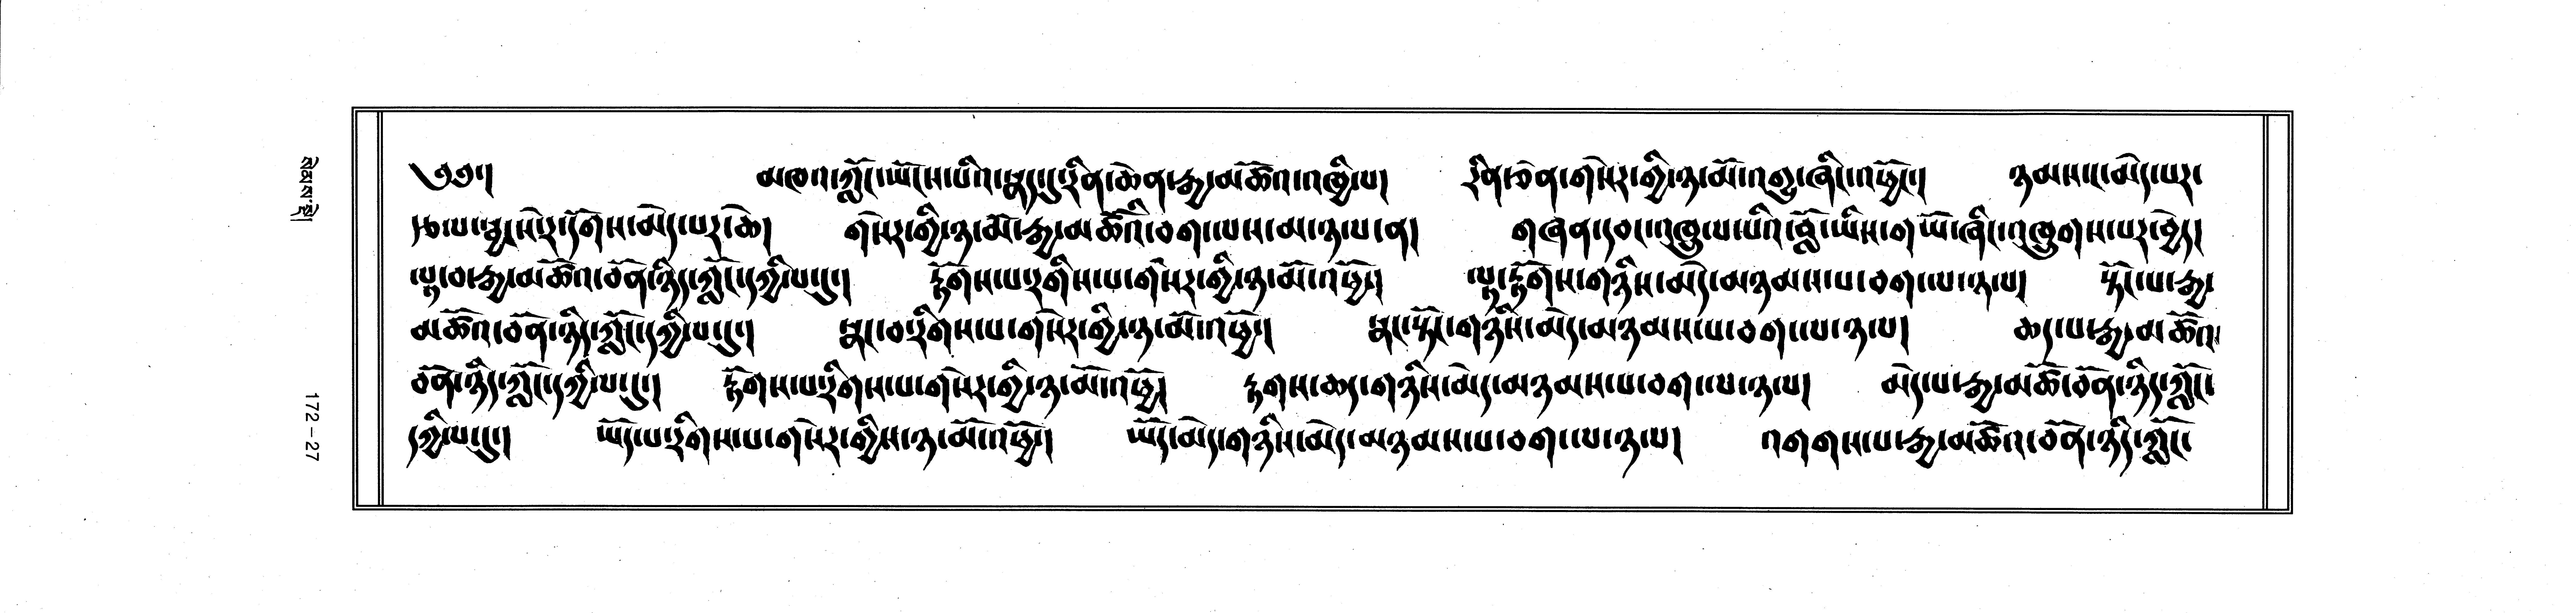མཁའ་ཀློང་ཡོངས་པའི་སྣད་དུ་རིན་ཆེན་རྒྱ་མཚོའ་འཁྱིལ། རིན་ཆེན་གསེར་གྱི་ཉ་མོ་འགྱུ་ཞིང་འཕྱོང་། ཉམས་ང་མེད་པར་
རྩལ་སྦྱངས་རེ་དོགས་མེད་པར་ཆེ། གསེར་གྱི་ཉ་མོ་རྒྱ་མཚོའི་བག་ལས་མ་ཉལ་ན། གཞན་དབང་འཁྲུལ་པའི་བློ་ཡིས་གཡོ་ཞིང་འཁྲུགས་པར་བྱེད།
ལྟ་བ་རྒྱ་མཚོའ་བོན་ཉིད་ཀློང་དཀྱིལ་དུ། རྟོགས་པ་རིགས་པ་གསེར་གྱི་ཉ་མོ་འཕྱོ། ལྟ་རྟོགས་གཉིས་མེད་མཉམས་པ་བག་ལ་ཉལ། སྟོང་པ་རྒྱ་
མཚོའ་བོན་ཉིད་ཀློང་དཀྱིལ་དུ། སྣང་བ་རིགས་པ་གསེར་གྱི་ཉ་མོ་འཕྱོ། སྣང་སྟོང་གཉིས་མེད་མཉམས་པ་བག་ལ་ཉལ། ཆད་པ་རྒྱ་མཚོའ་
བོན་ཉིད་ཀློང་དཀྱིལ་དུ། རྟོགས་པ་རིགས་པ་གསེར་གྱི་ཉ་མོ་འཕྱོ། རྟག་ཆད་གཉིས་མེད་མཉམས་པ་བག་ལ་ཉལ། མེད་པ་རྒྱ་མཚོ་བོན་ཉིད་ཀློང་
དཀྱིལ་དུ། ཡོད་པ་རིགས་པ་གསེར་གྱིས་ཉ་མོ་འཕྱོ། ཡོད་མེད་གཉིས་མེད་མཉམས་པ་བག་ལ་ཉལ། འགག་པ་རྒྱ་མཚོ་བོན་ཉིད་ཀློང་